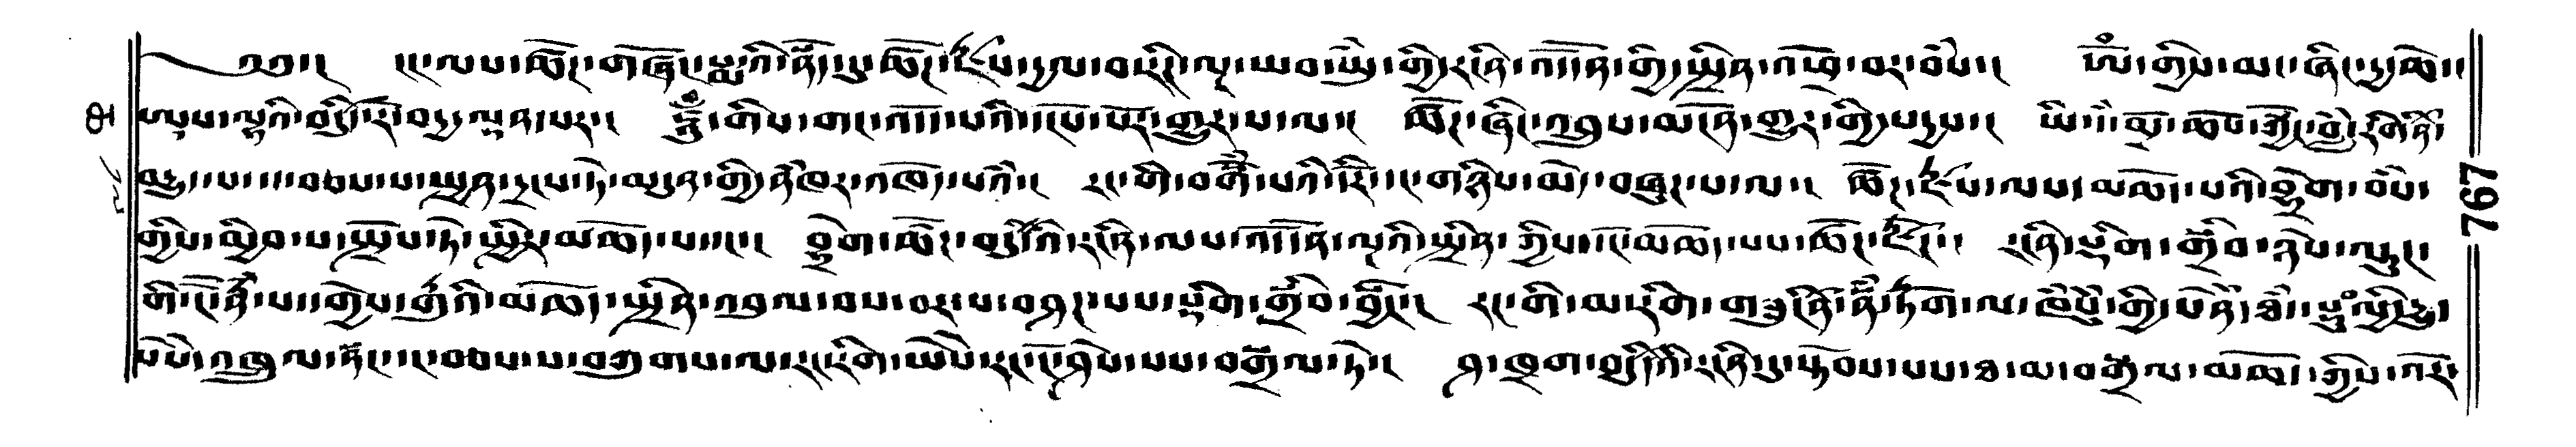ངང་ལས་ཚོགས་གཞོང་པདྨའི་སྣོད་དུ་ཚོགས་རྫས་རྒྱལ་བ་རིགས་ལྔ་ཡབ་ཡུམ་གྱི་རང་བཞིན་འདོད་ཡོན་གྱི་སྤྲིན་འཕྲོ་བར་བསམ། ཨོཾ་གྱིས་མང་ཞིང་རྒྱ་ཆེ། 
ཨཱཿས་ལྷའི་བདུད་རྩི་རོ་བརྒྱ་ལྡན་པར། ཧཱུྃ་གིས་གང་འདོད་པའི་དངོས་པོར་གྱུར་པ་ལ། ཚོགས་ཞིང་འབྲས་བུ་མངོན་གྱུར་གྱི་སངས་རྒྱས། ཡི་དམ་མཁའ་འགྲོ་ཆོས་སྐྱོང་བླ་མ་རིག་འཛིན་
བརྒྱུད་པ་དང་བཅས་པ་སྤྱན་དྲངས་ཏེ་མདུན་གྱི་ནམ་མཁར་འཁོད་པའམ། རང་གི་བསྒོམ་པའི་དཀྱིལ་འཁོར་དང་གཉིས་མེད་བཞུགས་པ་ལ། ཚོགས་རྫས་ལས་མཆོད་པའི་བྱེ་བྲག་བསམ་
གྱིས་མི་ཁྱབ་པ་སྤྲོས་ཏེ་སྤྱིར་མཆོད་པ་དང་། བྱེ་བྲག་ཚོགས་བདུད་རྩིའི་རང་བཞིན་ལས་འདོད་ཡོན་ལྔའི་སྤྲིན་གྱིས་དང་པོ་མཆོད་པས་ཚོགས་རྫོགས། རང་བཞིན་སྡིག་སྒྲིབ་ཉེས་ལྟུང་
གི་ངོ་བོ་རྣམ་པ་དགྱེས་རྒུའི་མཆོད་སྤྲིན་འབུལ་བ་བར་པ་བཤགས་པས་སྡིག་སྒྲིབ་བྱང་། རང་གི་མ་རིག་གཟུང་འཛིན་རྣམ་རྟོག་ལ་ཁམས་སུམ་གྱི་སེམས་ཅན་ཐམས་ཅད་སྡུག་བསྔལ་གྱི་རྒྱུ་
སེམས་འཁྲུལ་སྣང་དང་བཅས་པ་བཀུགས་ལ་རང་རིག་ཡེ་ཤེས་རང་ངོ་ཤེས་པས་བསྒྲལ་ཏེ།ཤ་ཁྲག་བདུད་རྩིའི་རང་བཞིན་དུ་སྟོབས་པས་ཐ་མ་བསྒྲལ་མཆོད་ཀྱིས་འཁོར་